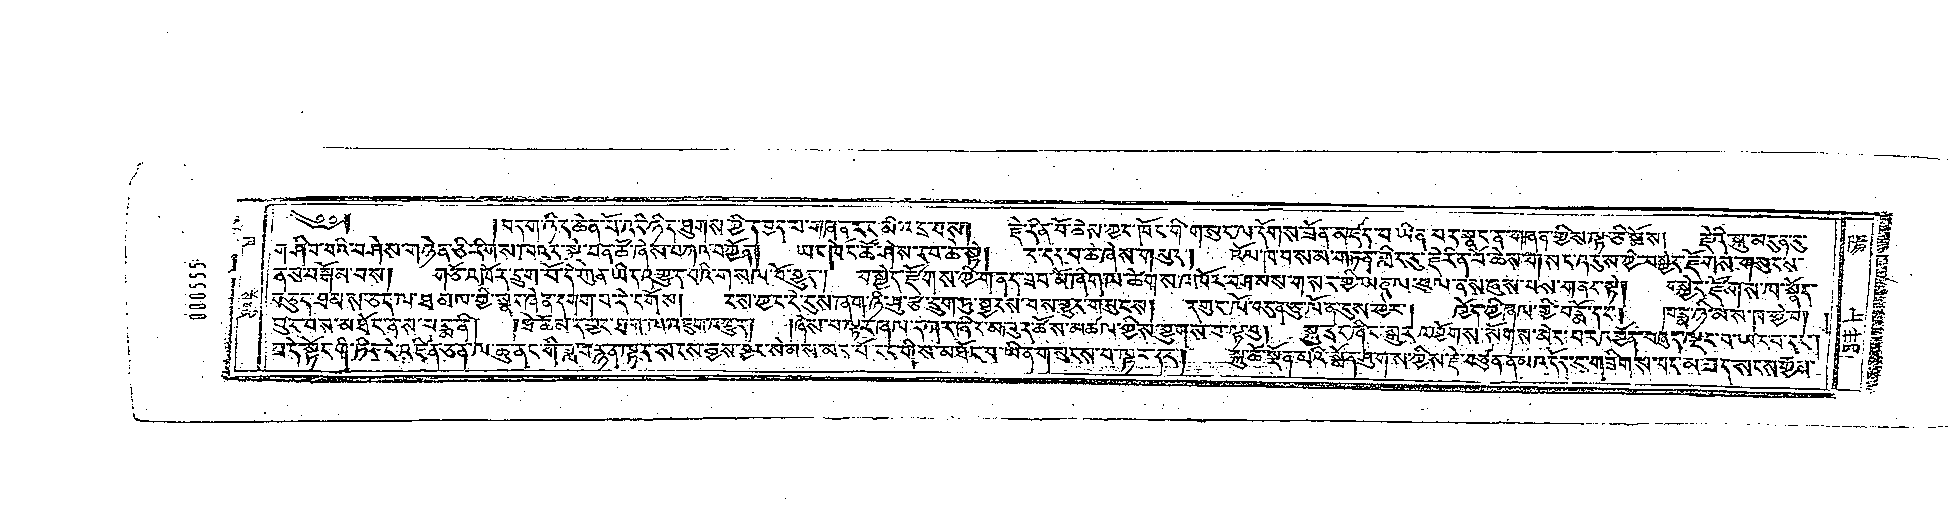༄༅། །བདག་ཉིད་ཆེན་པོ་འདི་ཉིད་ཐུགས་ཀྱི་དབྱད་པ་གཞན་དང་མི་འདྲ་བས། རྗེ་རིན་པོ་ཆེས་ཀྱང་ཁོང་གི་གསུང་ལ་དོགས་བྲོན་མཛད་པ་ཡིན་པར་སྣང་ན་གཞན་གྱིས་ལྟ་ཅི་སྨོས། རྗེའི་སྐུ་མདུན་དུ་
གཤིབ་བའི་བཤེས་གཉེན་ཅི་རིགས་ལའང་སྡེ་བན་ཚོ་ཞེས་བཀའ་བཀྱོན། ཡང་ཁོང་ཚོ་ཤེས་རབ་ཆེ་སྟེ། ད་དང་པ་ཆེ་ཞེས་གསུང་། འོལ་ཁ་བསམ་གཏན་གླིང་དུ་རྗེ་རིན་པོ་ཆེས་གསང་འདུས་ཀྱི་བསྐྱེད་རྫོགས་གསུངས་
ནས་བསྒོམ་པས། གཅོ་འཁོར་དྲུག་པོ་དེ་ཀུན་ཡིད་འགྱུར་བའི་གསལ་བོ་བྱུང་། བསྐྱེད་རྫོགས་ཀྱི་གནད་ཟབ་མོ་ཞིག་ལ་ཚེགས་འཁོར་བཤམས་གསར་གྱི་མཎྜལ་ཕུལ་ནས་ཞུས་པས་གནང་སྟེ། བསྐྱེད་རྫོགས་ལ་སྣོད་
བཅུད་ཐམས་ཅད་ལ་ཐ་མལ་གྱི་སྣང་ཞེན་དགག་པ་དེ་དགོས། ངས་ཀྱང་དེ་དུས་ཞག་ཉི་ཤུ་རྩ་དྲུག་ཏུ་སྦྱངས་པས་བྱུང་གསུངས། དགུང་ལོ་བདུན་ཅུ་ལོན་དུས་ཀྱང་། ཁྱོད་ཀྱི་ཞལ་གྱི་པདམོ་དང་། །པདམ་ཉི་མས་ཁ་ཕྱེ་བ།
བུང་པས་མཐོང་ནས་པདམ་ནི། །ཐེ་ཚོམ་དབྱད་ཐག་ལ་འཇུག་འགྱུར། །ཞེས་པ་ལྟར་ཞལ་དཀར་ཞིང་མཁུར་ཚོས་མཚལ་གྱིས་བྱུགས་པ་ལྟ་བུ། སྐུ་དྲང་ཞིང་སྒུར་འཁྱོགས་སོགས་མེད་པར་འབྱོན་བཞུད་ལྡང་བ་ཡང་བ་དང་།
བདེ་སྟོང་གི་ཏིང་ངེ་འཛིན་ཅན་ལ་ཆུ་ནང་གི་ཟླ་བརྙན་ལྟར་སངས་རྒྱས་བྱང་སེམས་མང་པོ་རང་གིས་མཐོང་བ་ཡིན་གསུངས་པ་ལྟར་དང་། སྐུ་ཚེ་སྔོན་མའི་སྨོན་ཤུགས་ཀྱིས་རྗེ་བཙུན་ནམ་འདོད་དུ་གཟིགས་པར་མ་ཟད་སངས་རྒྱས་